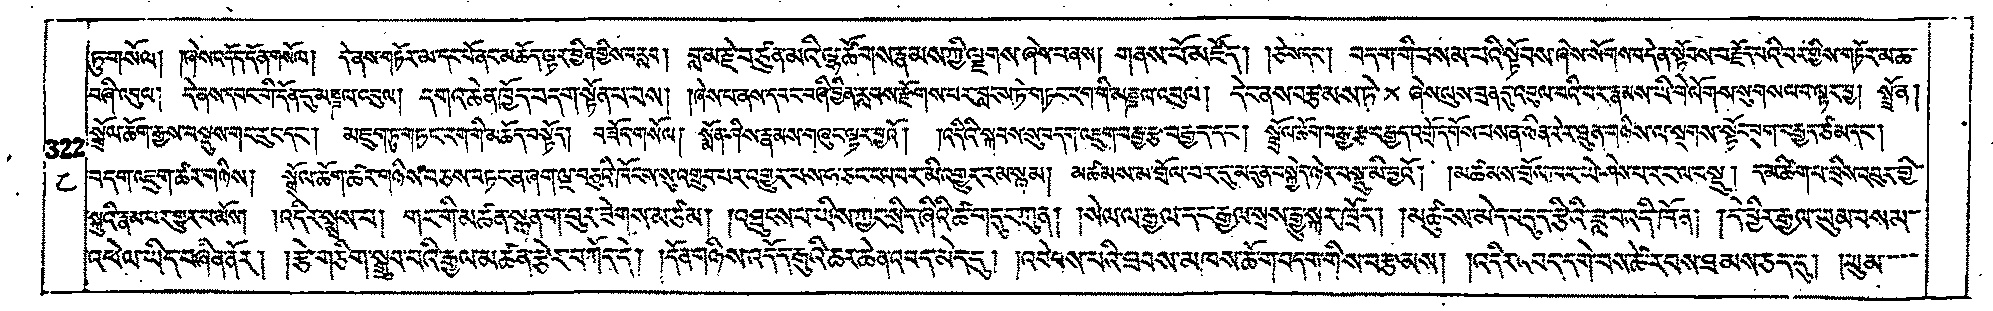ཏུ་གསོལ། །ཞེས་འདོད་དོན་གསོལ། །དེ་ནས་གཏོར་མ་དང་པོ་ནང་མཆོད་ལྟར་བྱིན་གྱིས་བརླབ།  བླ་མ་རྗེ་བཙུན་མའི་ལྷ་ཚོགས་རྣམས་ཀྱི་ལྗགས་ཞེས་པ་ནས།  གནས་པོ་མཛོད། །ཅེས་དང་།  བདག་གི་བསམ་པའི་སྟོབས་ཞེས་སོགས་བདེན་སྟོབས་བརྗོད་པའི་བར་གྱིས་གཏོར་མ་ཆ་
བཞི་འབུལ། དེ་ནས་དབང་གི་དོན་དུ་མཎྜལ་འབུལ། དགའ་ཆེན་ཁྱོད་བདག་སྟོན་པ་བས། །ཞེས་པ་ནས་དབང་བཞི་བྱིན་རླབས་རྫོགས་པར་བླངས་ཏེ་གཏང་རག་གི་མཎྜལ་འབུལ།  དེང་ནས་བརྩམས་ཏེ་྾་ཞེས་ལུས་བྲན་དུ་འབུལ་བའི་བར་རྣམས་ཡི་གེ་ལོགས་སུ་གསལ་བ་ལྟར་བྱ། སྤྲོ་ན།
སྒྲོལ་ཆོག་རྒྱས་བསྡུས་གང་རུང་དང་། མཇུག་ཏུ་གཏང་རག་གི་མཆོད་བསྟོད། བཟོད་གསོལ། སྨོན་ཤིས་རྣམས་གཞུང་ལྟར་བྱའོ། །འདིའི་སྐབས་སུ་བདག་འཇུག་བརྒྱ་རྩ་བརྒྱད་དང་། སྒྲོལ་ཆོག་བརྒྱ་རྩ་བརྒྱད་འགྲོ་དགོས་པས་ན་ཉིན་རེར་ཐུན་གཉིས་ལ་སྔགས་སྟོང་ཕྲག་བརྒྱད་ཙམ་དང་།
བདག་འཇུག་ཚར་གཉིས། སྒྲོལ་ཆོག་ཚར་གཉིས་བཅས་བཏང་ན་ཞག་ལྔ་བཅུའི་ཁོངས་སུ་འགྲུབ་པར་འགྱུར་པས་ཧ་ཅང་ངལ་བར་མི་འགྱུར་རམ་སྙམ། མཚམས་མ་གྲོལ་བར་དུ་མདུན་བསྐྱེད་ཉེར་བསྡུ་མི་བྱའོ། །མཚམས་གྲོལ་ཁར་ཡེ་ཤེས་པ་རང་ལ་བསྡུ། དམ་ཚིག་པ་བྲིས་འབུར་གྱི་་་
སྐུའི་རྣམ་པར་གྱུར་པ་མོས། །འདིར་སྨྲས་པ། གང་གི་མཚན་སྙན་ག་བུར་ཟེགས་མ་ཙམ། །འཐུངས་པ་ཡིས་ཀྱང་སྲིད་ཞིའི་ཚ་གདུང་ཀུན། །སེལ་ལ་རྒྱལ་དང་རྒྱལ་སྲས་རྒྱུ་སྐར་ཁྲོད། །མཚུངས་མེད་བདུད་རྩིའི་ཟླ་བ་འདི་ཁོ་ན། །དེ་ཕྱིར་རྒྱལ་ཡུམ་བསམ་་་
འཕེལ་ཡིད་བཞིན་ནོར། །རྩེ་གཅིག་སྒྲུབ་པའི་རྒྱལ་མཚན་རྩེར་བཀོད་དེ། །དོན་གཉིས་འདོད་རྒུའི་ཆར་ཆེན་འབད་མེད་དུ། །འབེབས་པའི་ཐབས་མཁས་ཆོ་ག་བདག་གིས་བརྩམས། །འདིར་འབད་དགེ་བས་ཚེ་རབས་ཐམས་ཅད་དུ། །ཡུམ་་་